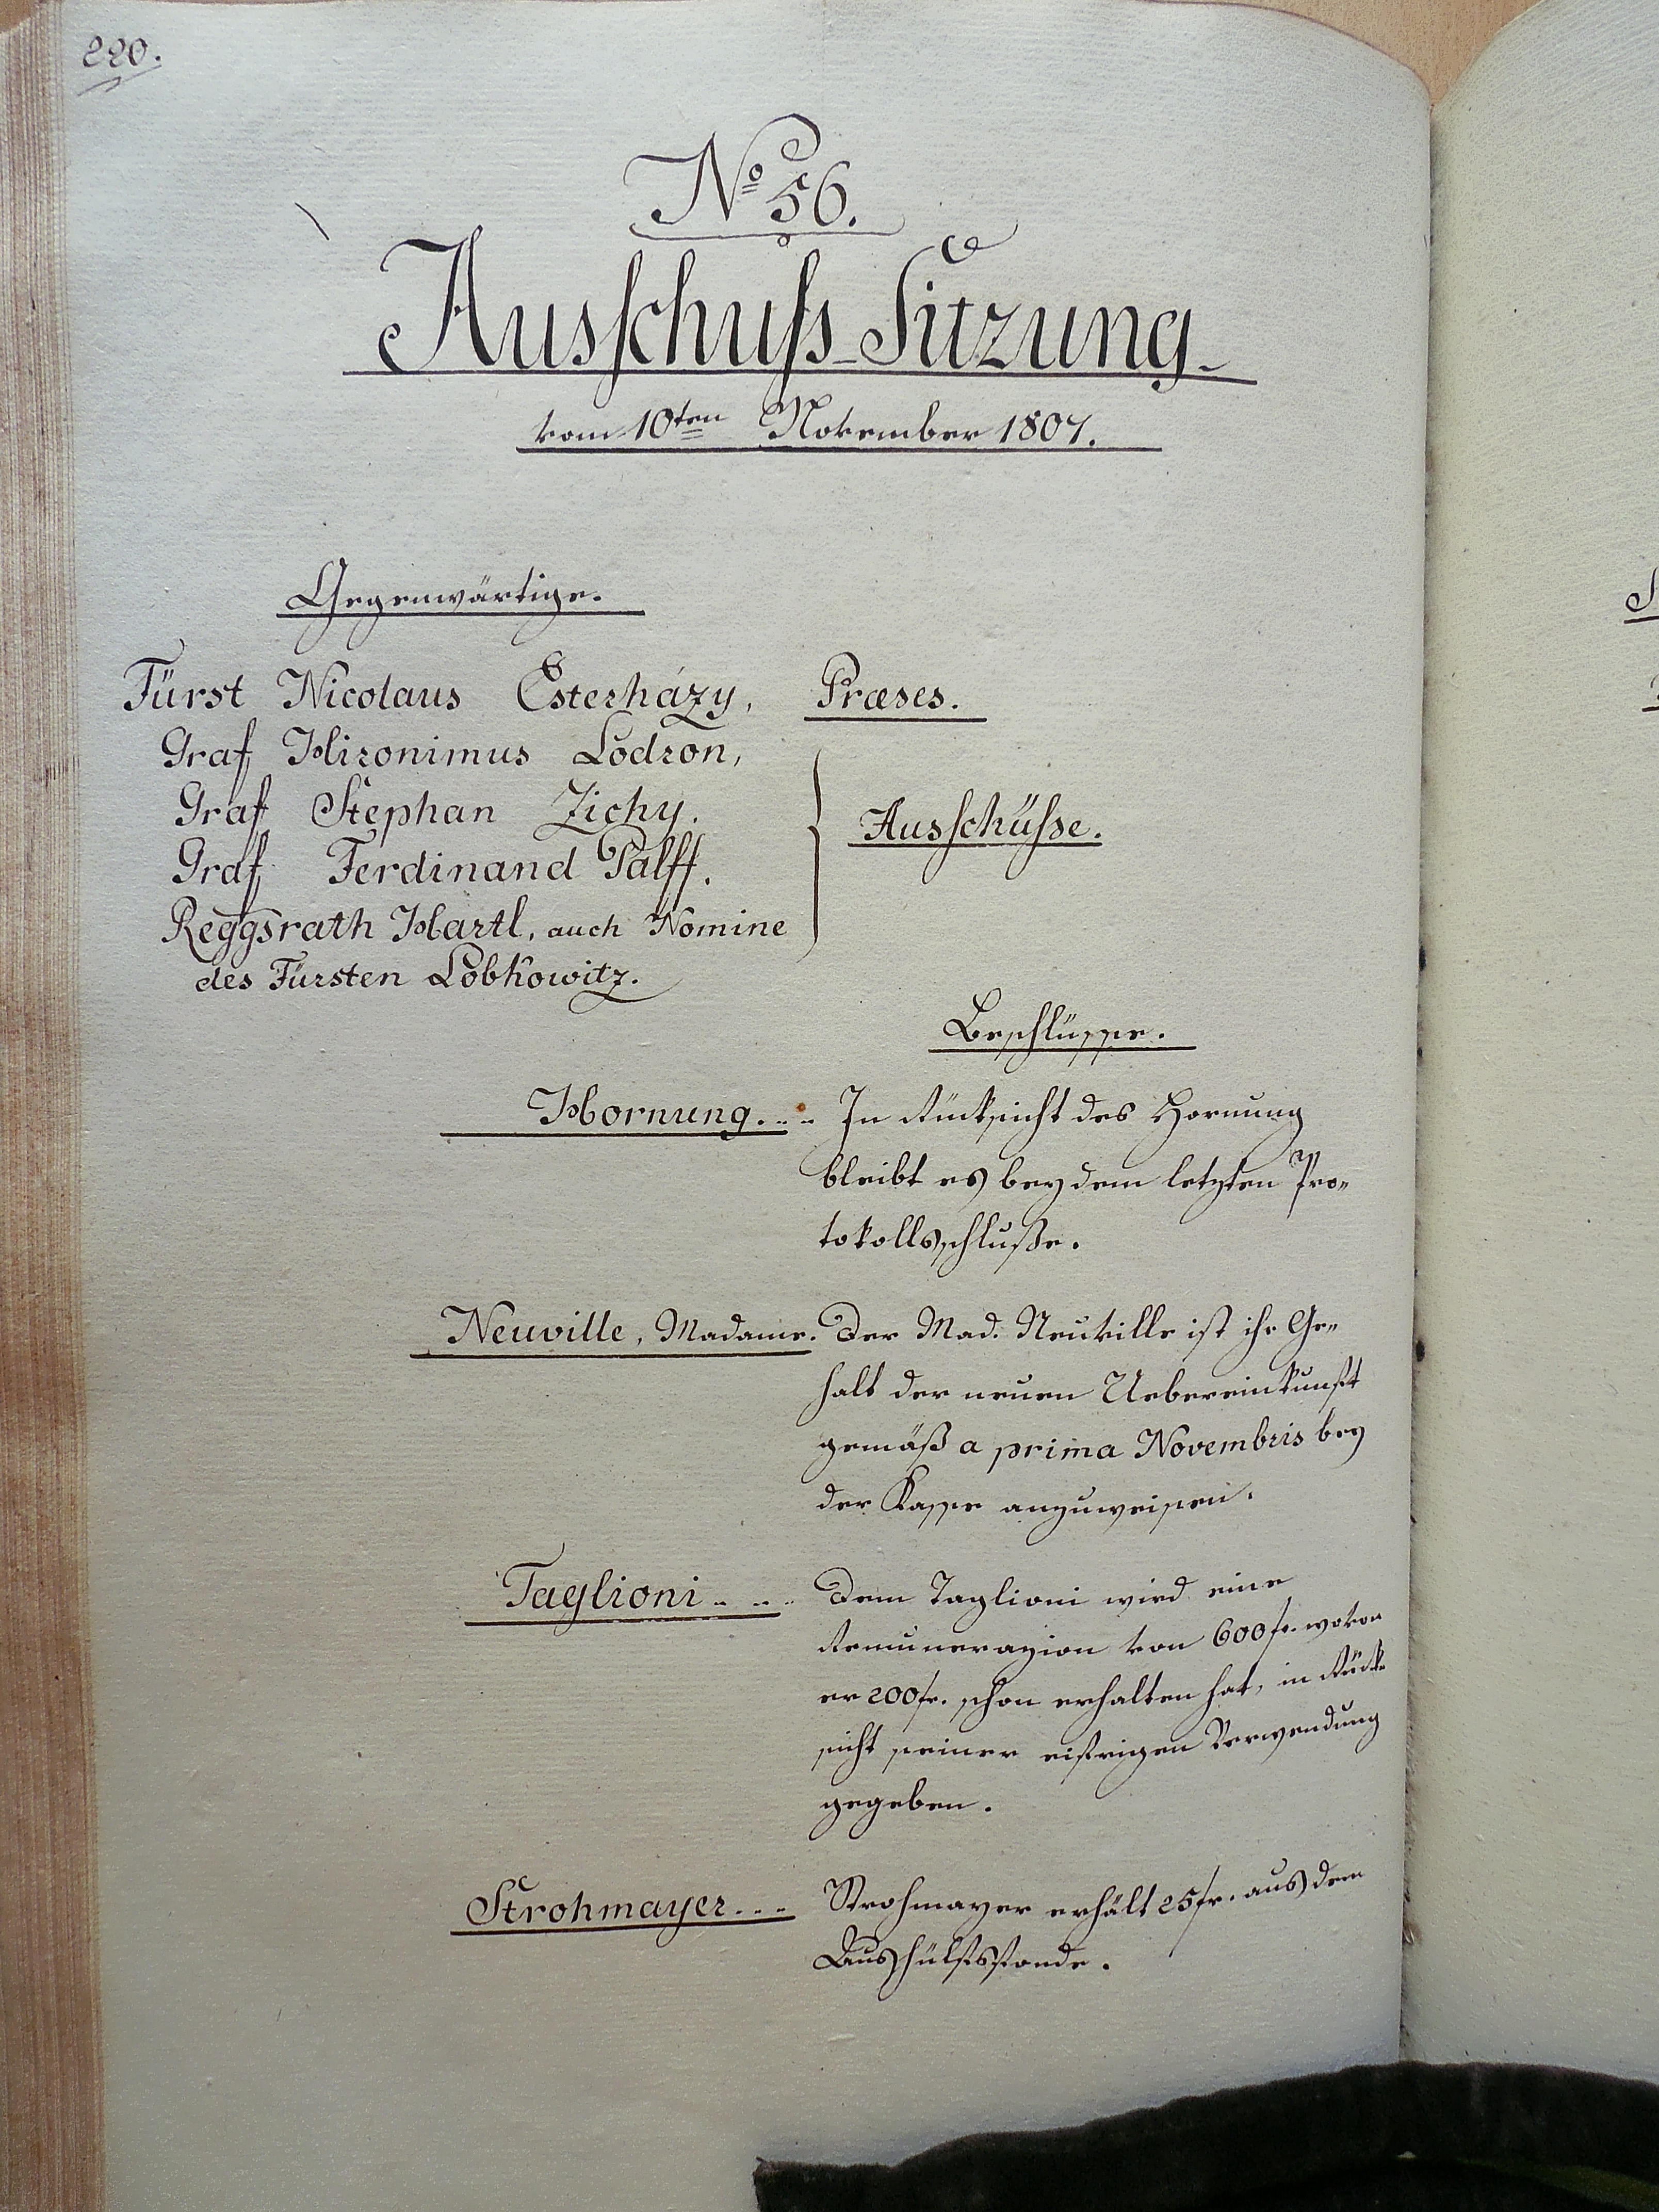220.
No͇ 56.
Ausschuss‗Sitzung
vom 10te͇n November 1807.
Gegenwärtige.
Fürst Nicolaus Esterházy, Præses.
Graf Hironimus Lodron,
Graf Stephan Zichy.
Graf Ferdinand Palff.
Reg͞gsrath Hartl, auch Nomine
des Fürsten Lobkowitz.
Ausschüsse.
Beschlüsse.
Hornung. .. .. In Rücksicht des Hornung
bleibt es bey dem letzten Pro¬
tokollschluße.
Neuville, Madame. Der Mad. Neuville ist ihr Ge¬
halt der neuen Uebereinkunft
gemäß a prima Novembris bey
der Kasse anzuweisen.
Taglioni .. .. .. Dem Taglioni wird eine
Remunerazion von 600fr. wovon
er 200fr. schon erhalten hat, nm Rück¬
sicht seiner eifrigen Verwendung
gegeben.
Strohmayer . . .. Strohmayer erhält 25fr. aus dem
Aushülfsfonde.